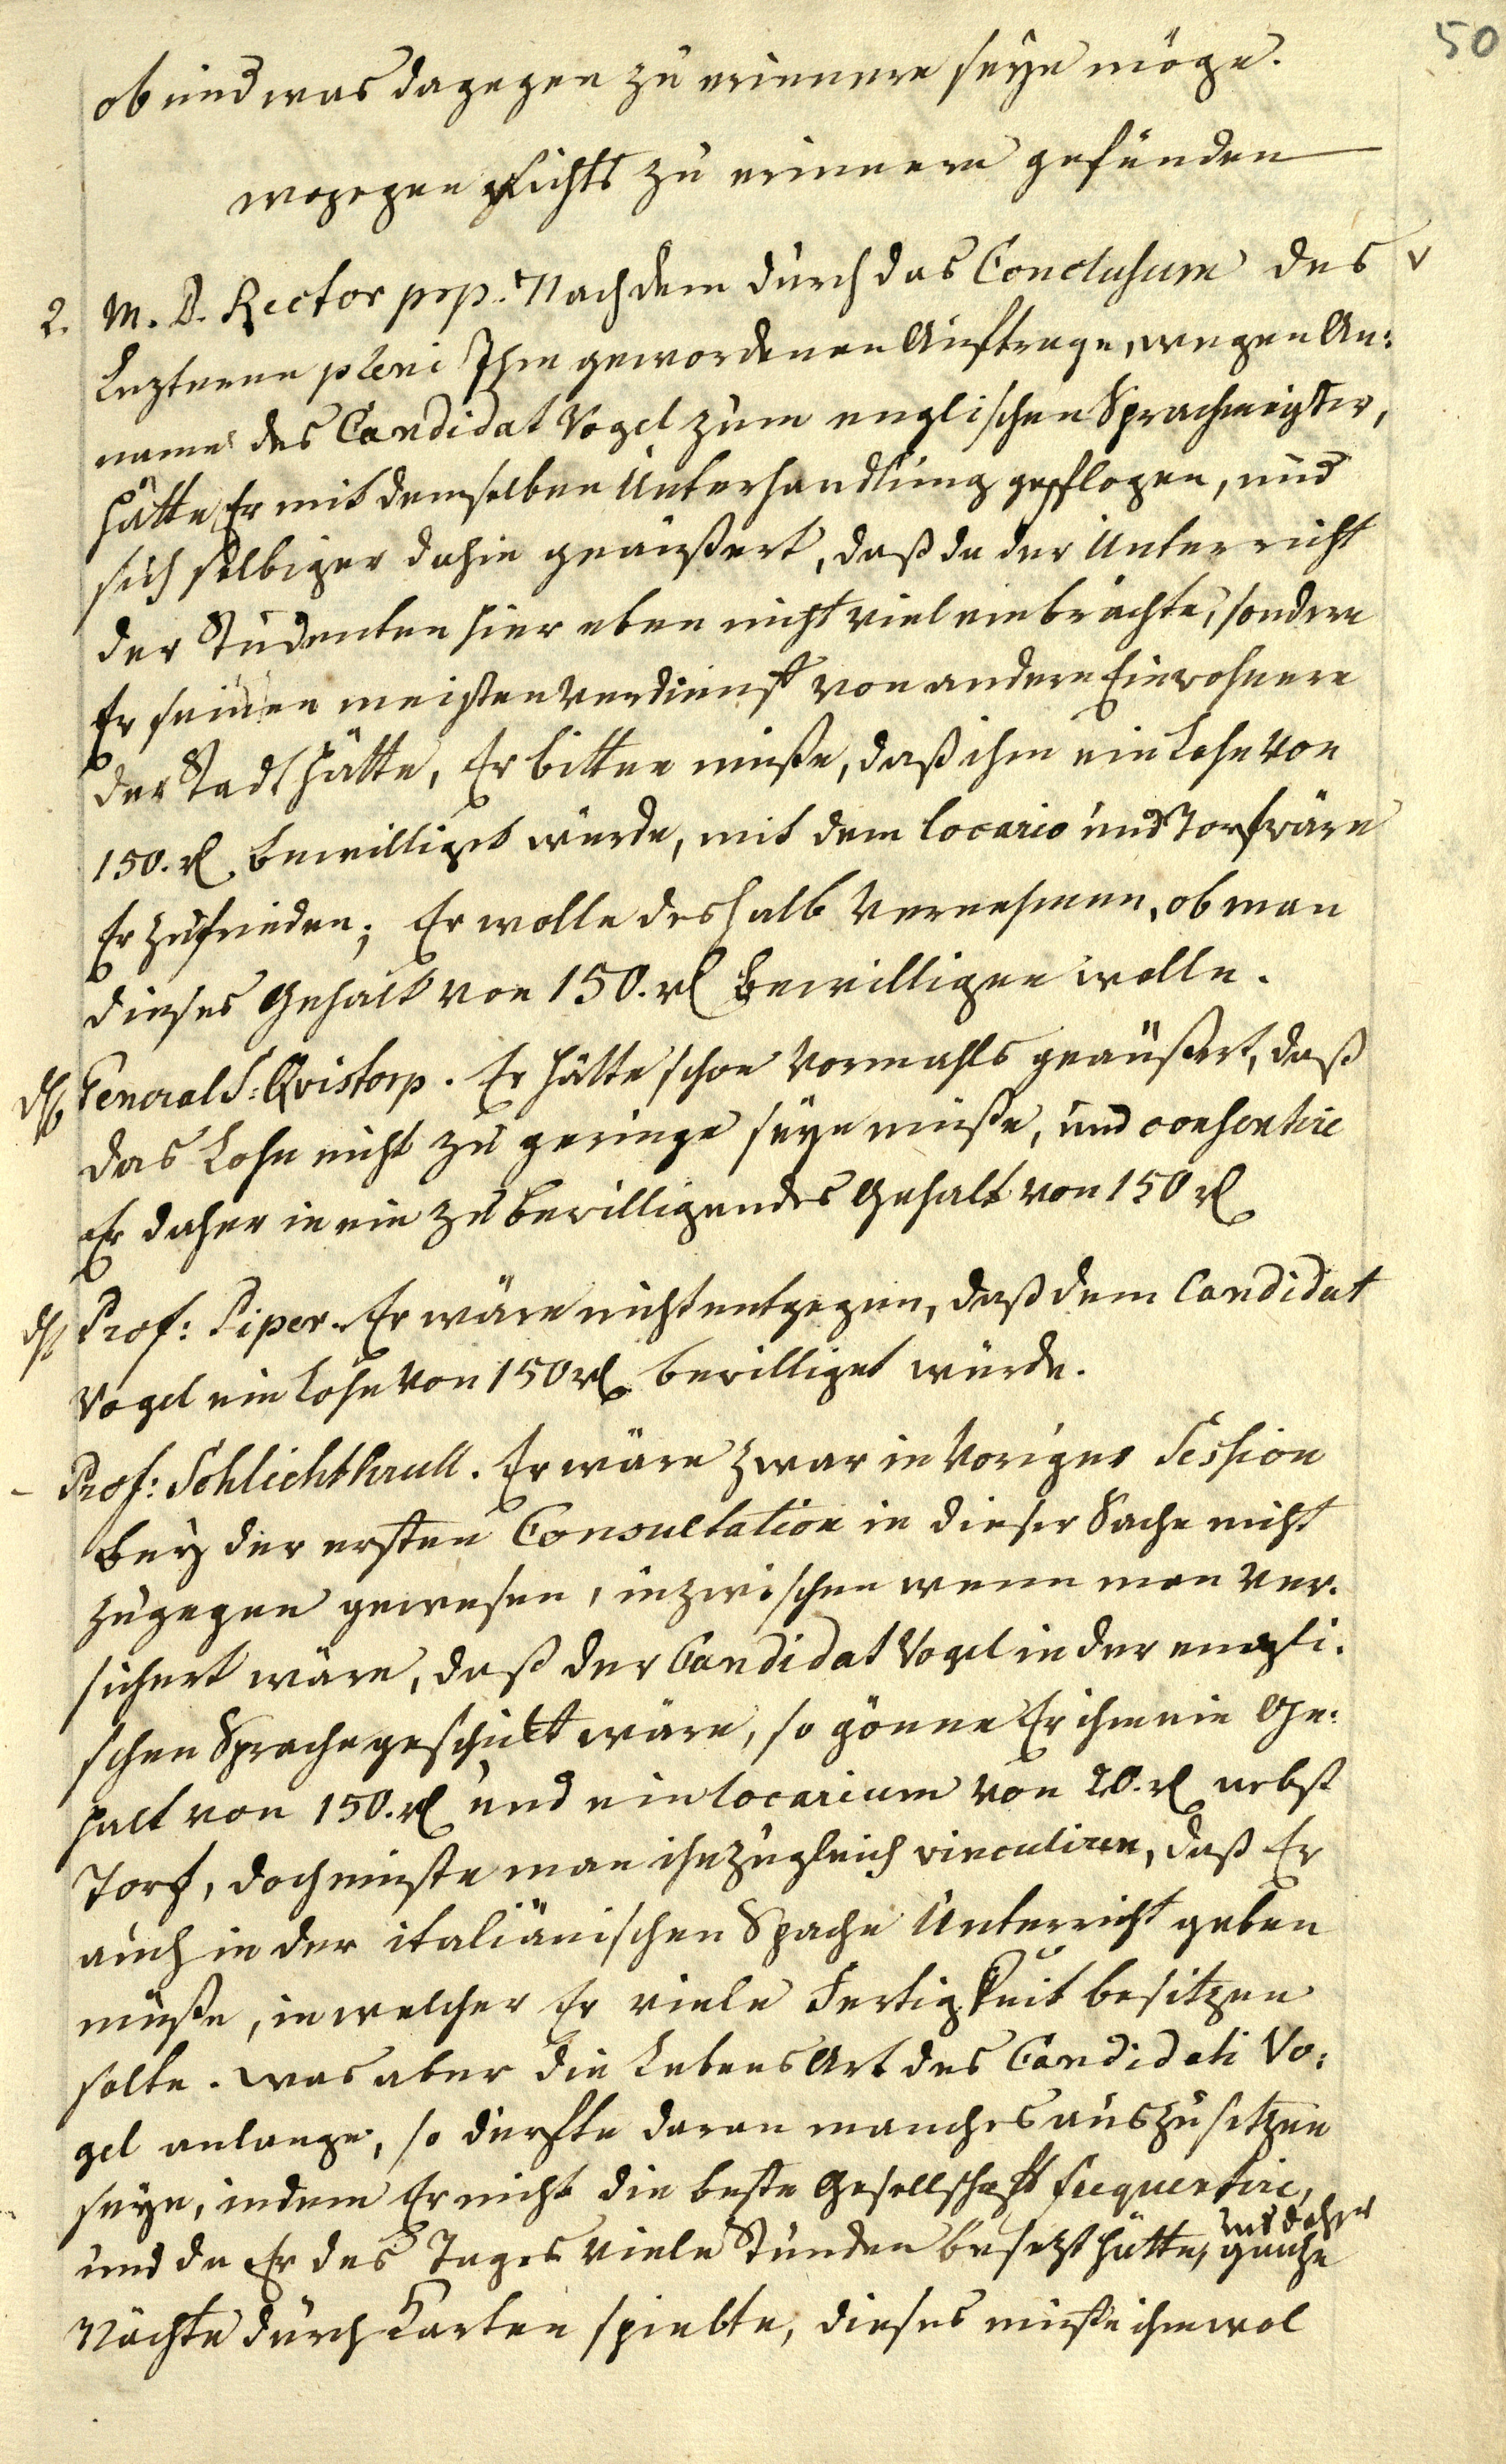ob und was dagegen zu erinnere seÿn möge.
wogegen nichts zu erinnern gefunden
2. M. D. Rector prp. Nachdem durch das Conclusum des
lezteren pleni Ihm gewordenen Auftrage, wegen An¬
name des Candidat Vogel zum englischen Sprachmeister,
hätte Er mit demselben Unterhandlung gepflogen, und
sich selbiger dahin geäußert, daß da der Unterricht
der Studenten hier eben nicht viel einbrächte, sondern
Er seinen meisten Verdienst von andern Einwohnern
der Stadt hätte, Er bitten müße, daß ihm ein Lohn von
150. r bewilliget würde, mit dem Locario und Torf wäre
Er zufrieden; Er wolle deshalb vernehmen, ob man
dieses Gehalt von 150 r bewilligen wolle.
dh GeneralS. Quistorp. Er hätte schon vormahls geäußert, daß
das Lohn nicht zu geringe seÿn müße, und consentire
Er daher in ein zu bewilligendes Gehalt von 150 r
dh Prof. Piper. Er wäre nicht entgegen, daß dem Candidat
Vogel ein Lohn von 150 r. bewilliget würde.
Prof. Schlichtkrull. Er wäre zwar in voriger Session
beÿ der ersten Consultation in dieser Sache nicht
zugegen gewesen, inzwischen wenn man ver¬
sichert wäre, daß der Candidat Vogel in der engli¬
schen Sprache geschickt wäre, so gönne Er ihm ein Ge¬
halt von 150. r und ein locarium von 20 r nebst
Torf, doch müste man ihn zugleich vieculiren, daß Er
auch in der italiänischen Sprache Unterricht geben
müße, in welcher Er viele Fertigkeit besitzen
solte. was aber die Lebens Art des Candidati Vo¬
gel anlange, so dürfte daran manches auszusetzen
seÿn, indem Er nicht die beste Gesellschaft frequentire,
und die Er des Tages viele Stunden besezt hätte, und daher ganze
Nächte durch Karten spielte, dieses müste ihm wol